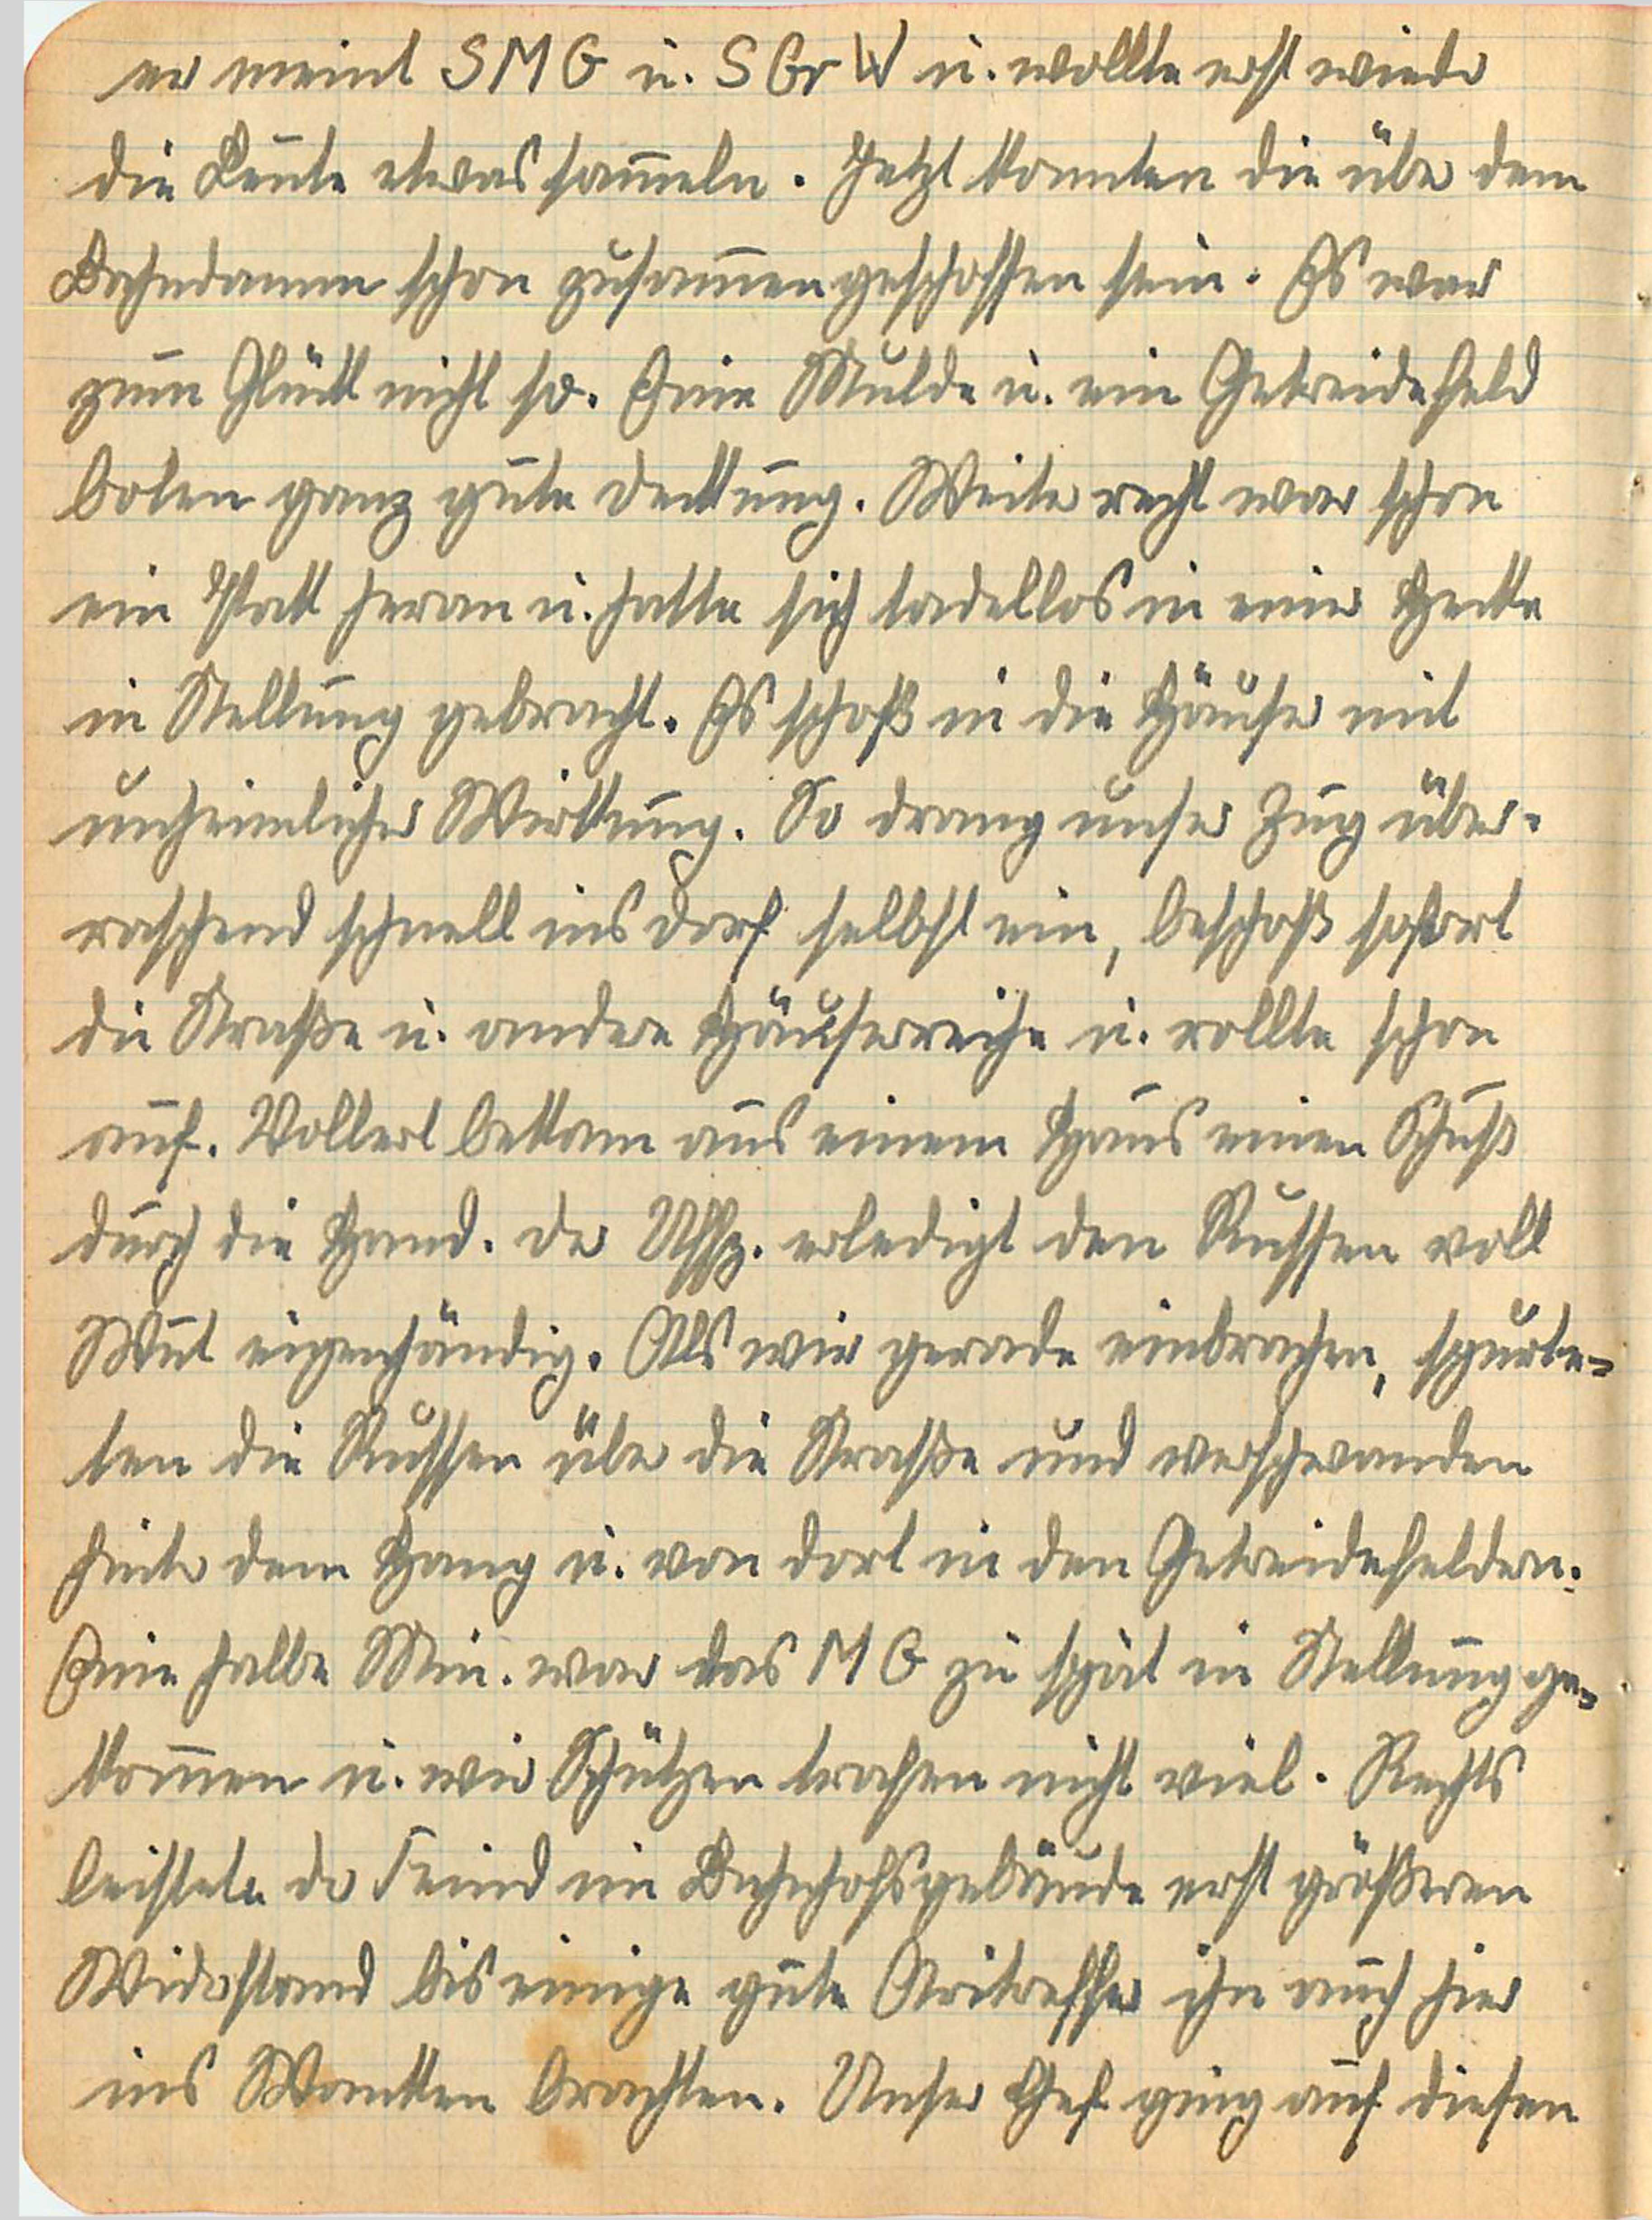er meint SMG u. SGrW u. wollte erst wieder
die Leute etwas sammeln. Jetzt konnten die über dem
Bahndamm schon zusammengeschossen sein. Es war
zum Glück nicht so. Eine Mulde u. ein Getreidefeld
boten ganz gute Deckung. Weiter recht war schon
ein Pak heran u. hatte sich tadellos in einer Hecke
in Stellung gebracht. Es schoß in die Häuser mit
unheimlicher Wirkung. So drang unser Zug über-
raschend schnell ins Dorf selbst ein, beschoß sofort
die Straße u. andere Häuserreihe u. rollte schon
auf. Vollert bekam aus einem Haus einen Schuß
durch die Hand. Der Uffz. erledigt den Russen voll
Wut eigenhändig. Als wir gerade einbrachen, spurte-
ten die Russen über die Straße und verschwanden
hinter dem Hang u. von dort in den Getreidefeldern.
Eine halbe Min. war das MG zu spät in Stellung ge-
kommen u. wir Schützen trafen nicht viel. Rechts
leistete der Feind im Bahnhofsgebäude erst größeren
Widerstand bis einige gute Aritreffer ihn auch hier
Ins Wanken brachten. Unser Chef ging auf diesen